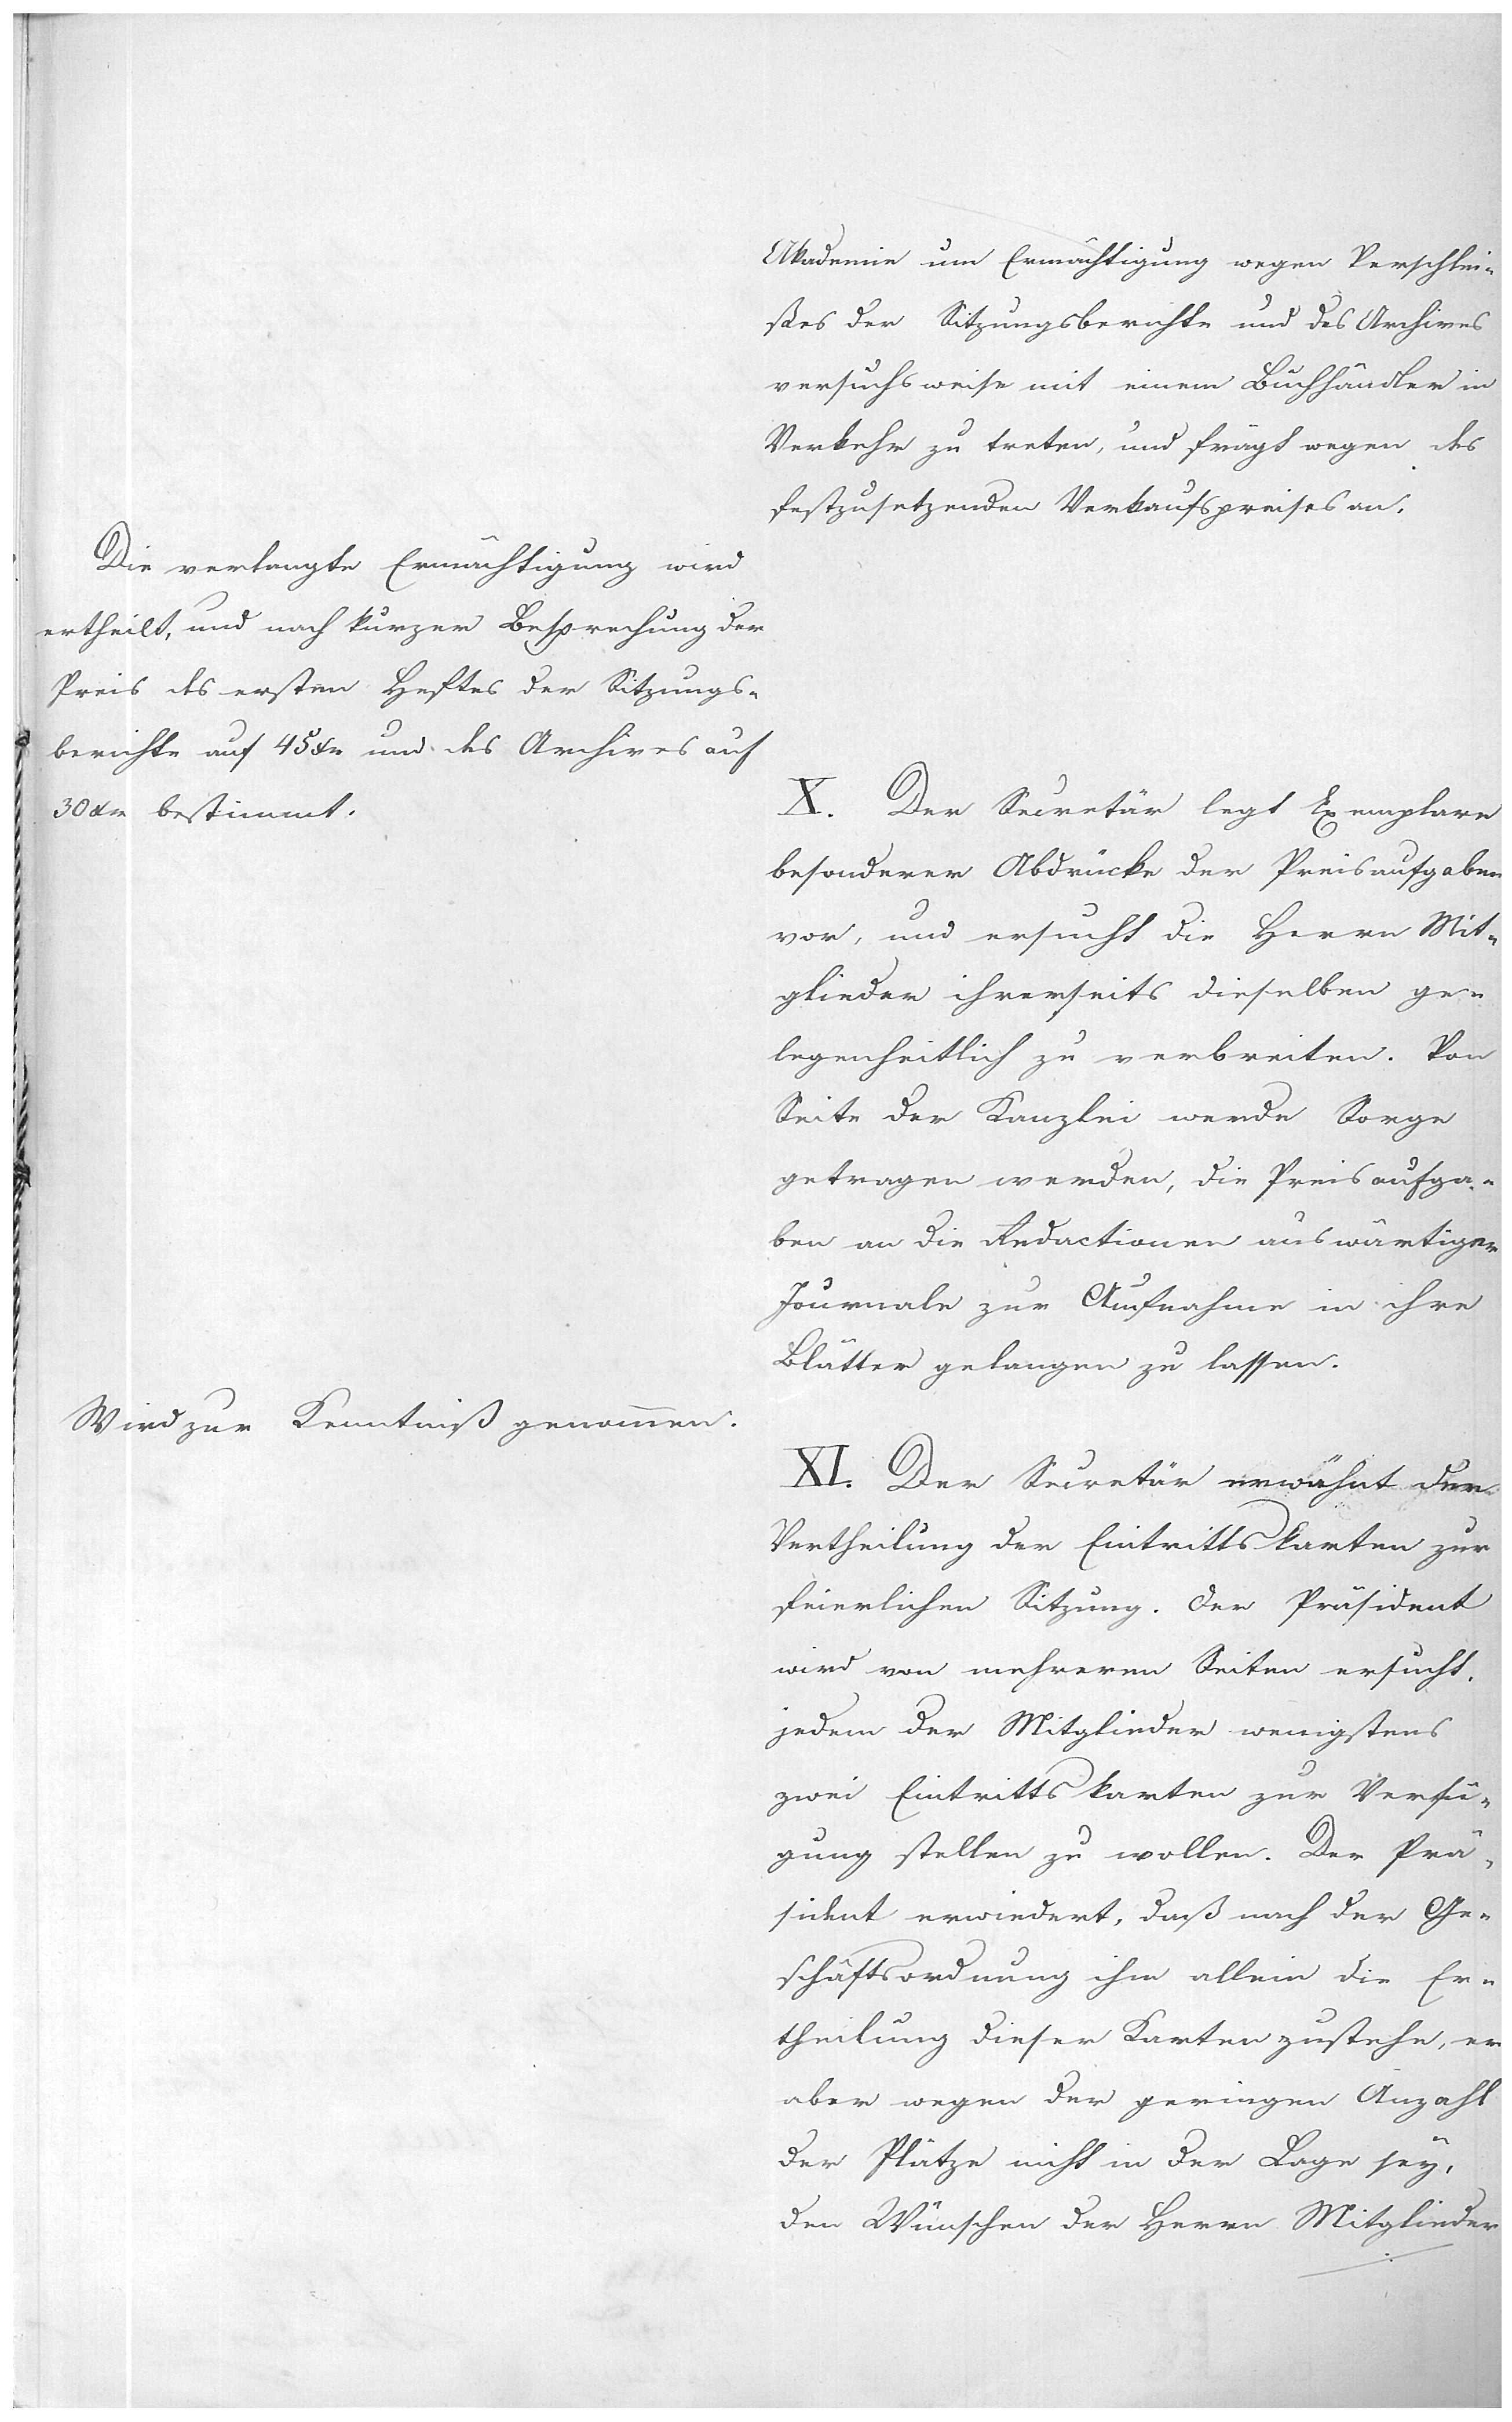Akademie um Ermächtigung wegen Verschlei-
ßes der Sitzungsberichte und des Archives
versuchsweise mit einen Buchhändler in
Verkehr zu treten, und fragt wegen des
festzusetzenden Verkaufspreises an.
Die verlangte Ermächtigung wird
ertheilt, und nach kurzer Besprechung der
Preise des ersten Heftes der Sitzungs-
berichte auf 45 kr und des Archives auf
30 kr bestimmt.
X. Der Secretär legt Exemplare
besonderer Abdrücke der Preisaufgaben
vor, und ersucht die Herrn Mit-
glieder ihrerseits dieselben ge-
legenheitlich zu verbreiten. Von
Seite der Kanzlei werde Sorge
getragen werden, die Preisaufga-
ben an die Redactionen auswärtiger
Journale zur Aufnahme in ihre
Blätter gelangen zu lassen.
Wird zur Kenntniß genommen.
XI. Der Secretär erwähnt die
Vertheilung der Eintrittskarten zur
feierlichen Sitzung. Der Präsident
wird von mehreren Seiten ersucht,
jedem der Mitglieder wenigstens
zwei Eintrittskarten zur Verfü-
gung stellen zu wollen. Der Prä-
sident erwiedert, daß nach der Ge-
schäftsordnung ihm allein die Er-
theilung dieser Karten zustehe, er
aber wegen der geringen Anzahl
der Plätze nicht in der Lage sey,
den Wünsches der Herrn Mitglieder